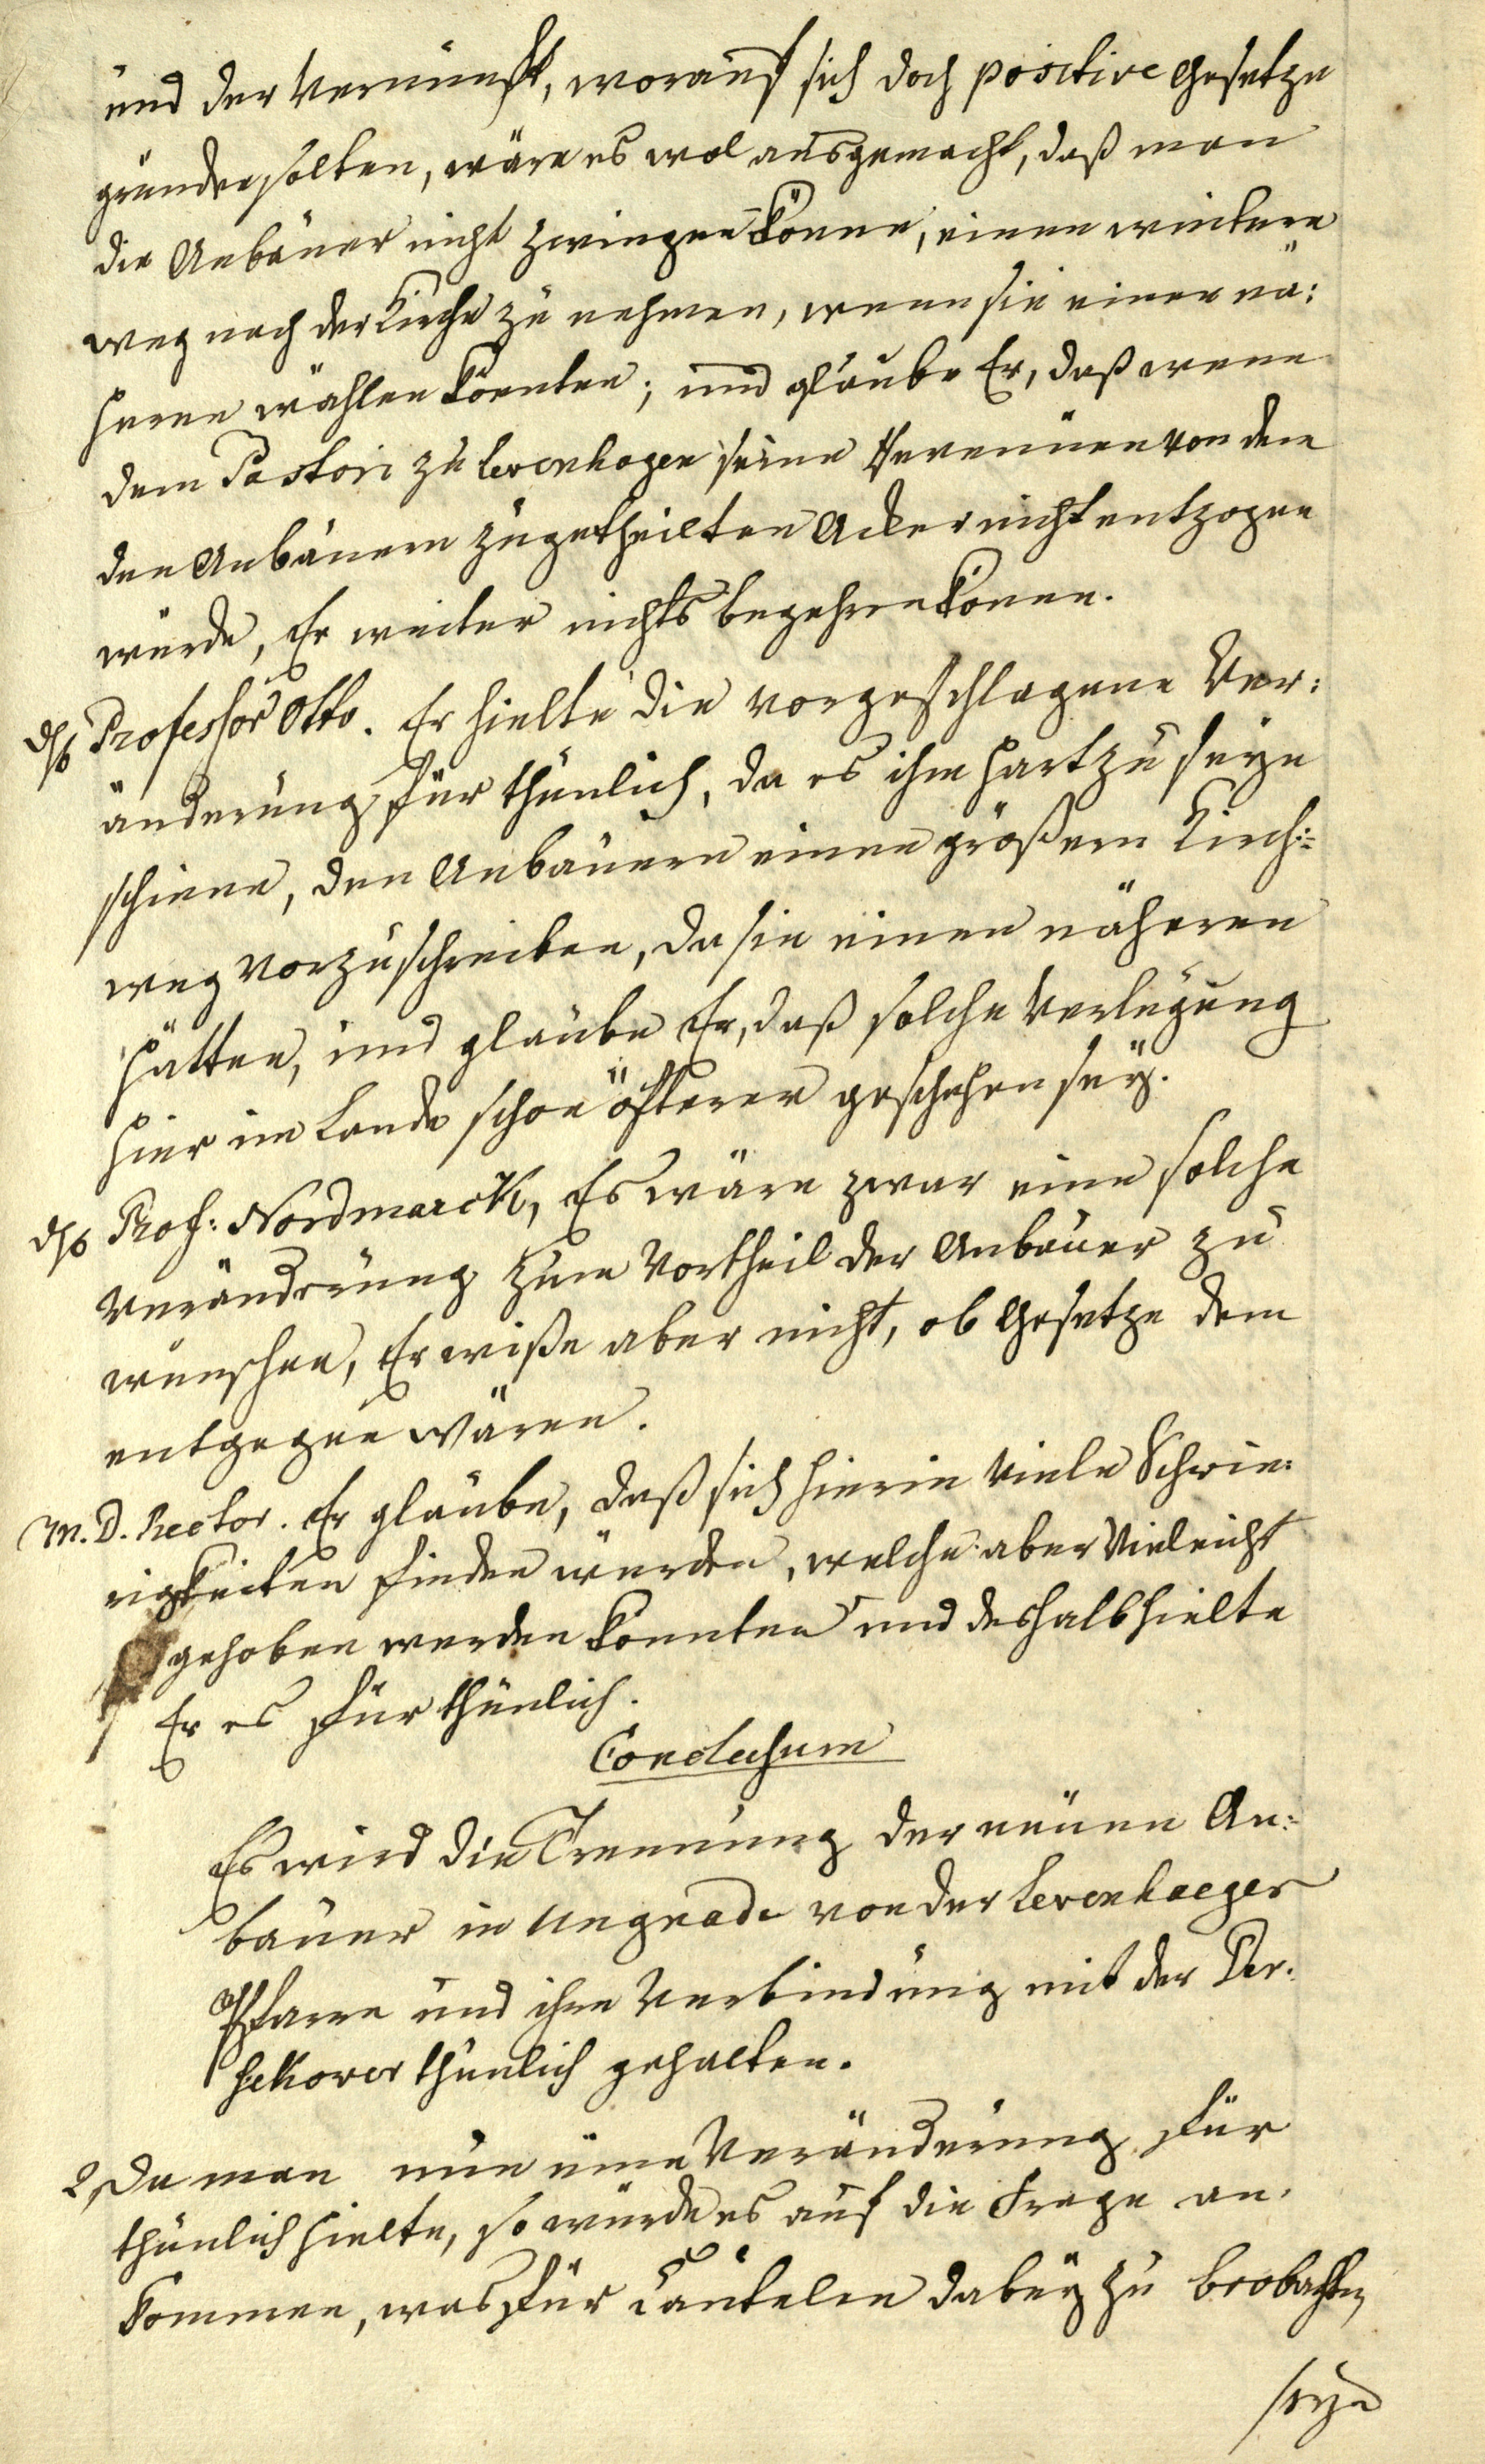und der Vernunft, worauf sich doch positive Gesetze
gründen solten, wäre es wol ausgemacht, daß man
die Anbauer nicht zwingen könne, einen weitern
Weg nach der Kirche zu nehmen, wenn sie einen nä¬
heren wählen könnten, und glaube Er, daß wenn
dem Pastori zu Levenhagen seine Revenuen von dem
den Anbauern zugetheilten Acker nicht entzogen
würde, Er weiter nichts begehren könne.
dh Professor Otto. Er hielte die vorgeschlagene Ver¬
änderung für thunlich, da es ihm hart zu seÿn
schiene, den Anbauern einen größern Kirch¬
weg vorzuschreiben, da sie einen näheren
hätten, und glaube Er, daß solche Verlegung
hier im Lande schon öfterer geschehen seÿ.
dh Prof. Nordmarck, Es wäre zwar eine solche
Veränderung zum Vortheil der Anbauer zu
wünschen, Er wiße aber nicht, ob Gesetze dem
entgegen wären.
M. D. Rector. Er glaube, daß sich hierin viele Schwie¬
rigkeiten finden würden, welche aber vieleicht
gehoben werden könnten und deshalb hielte
Er es für thunlich.
Conclusum
Es wird die Trennung der neuen An¬
bauer in Ungnade von der Levenhaeger
Pfarre und ihre Verbindung mit der Der¬
sekower thunlich gehalten.
2, Da man nun eine Veränderung für
thunlich hielte, so würde es auf die Frage an¬
kommen, was für Kautelen dabeÿ zu beobachten
seÿn